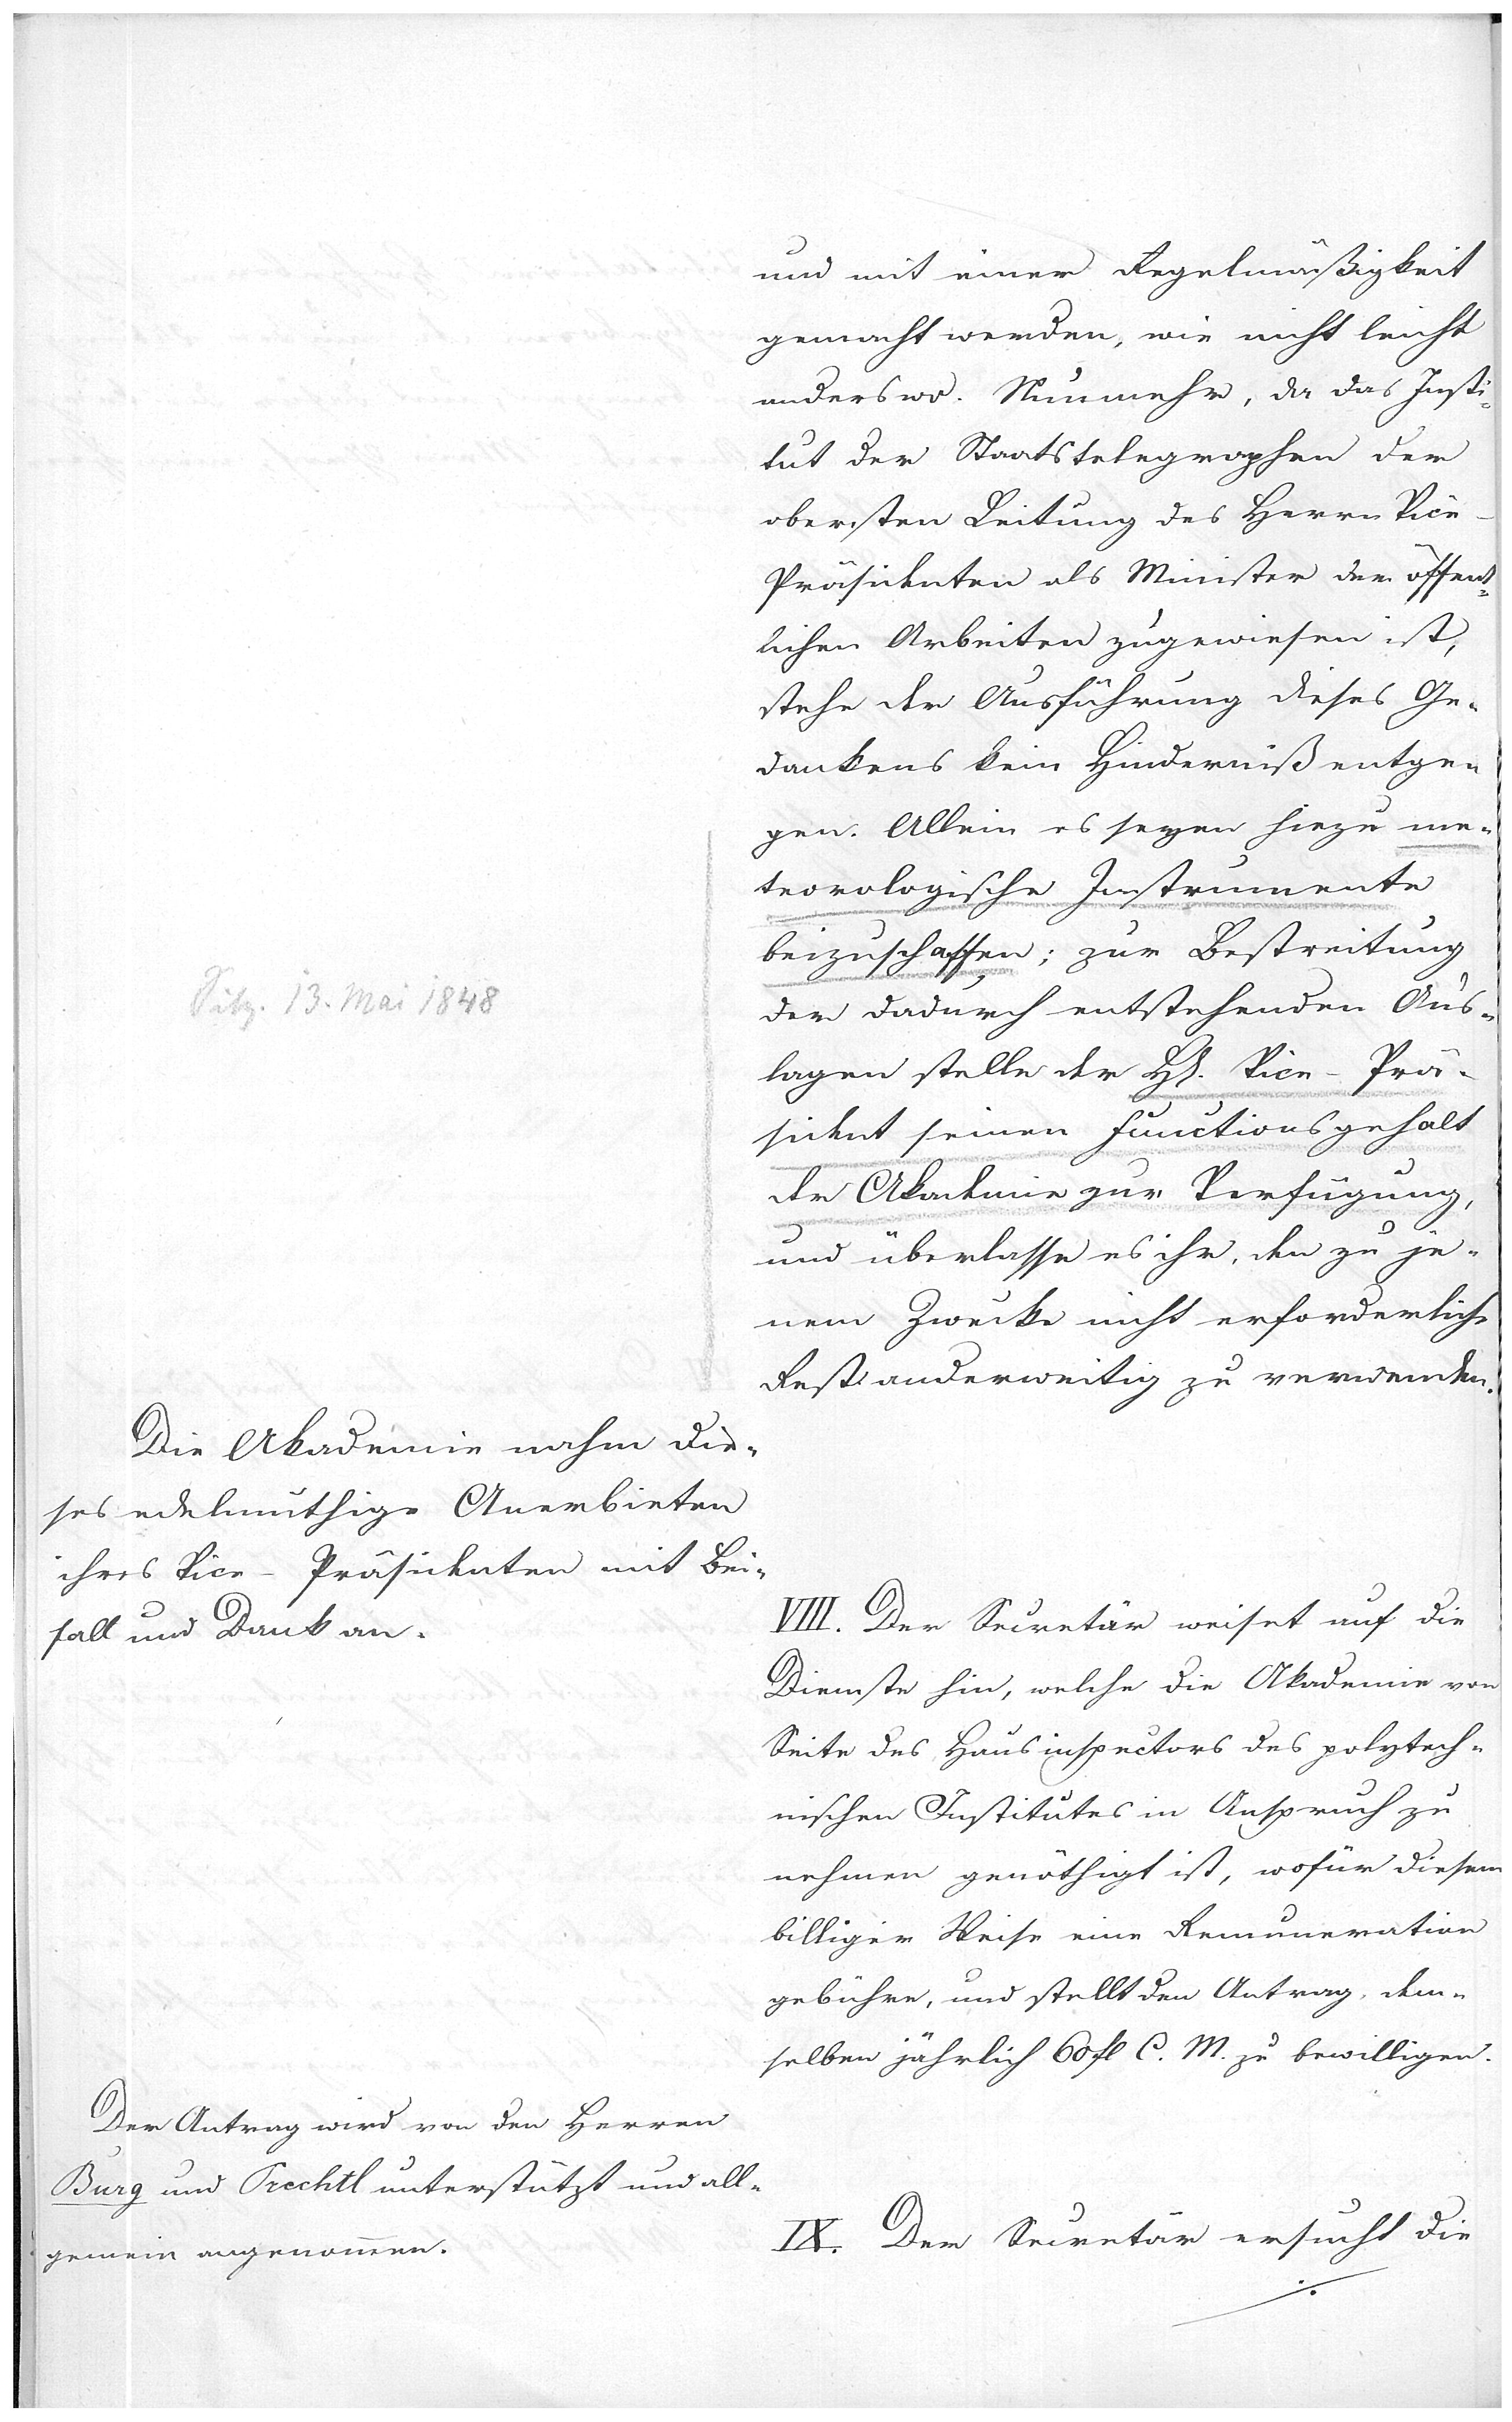und mit einer Regelmäßigkeit
gemacht werden, wie nicht leicht
anderswo. Nunmehr, die das Insti-
tut der Staatstelegraphen der
obersten Leitung des Herrn Vice-
Präsidenten als Minister der öffent-
lichen Arbeiten zugewiesen ist,
stehe der Ausführung dieses Ge-
dankens kein Hinderniß entge-
gen. Allein es seyen hiezu me-
teorologische Instrumente
beizuschaffen; zur Bestreitung
der dadurch entstehenden Aus-
lagen stelle der H. Vice-Prä-
sident seinen Functionsgehalt
der Akademie zur Verfügung
und überlasse es ihr, den zu je-
nem Zwecke nicht erforderlichen
Rest anderweitig zu verwenden.
Die Akademie nahm die-
ses edelmüthige Anerbieten
ihre Vice-Präsidenten mit Bei-
fall und Dank an.
VIII. Die Secretär weiset auf die
Dienste hin, welche die Akademie von
Seite des Hausinspectors des polytech-
schen Institutes in Anspruch zu
nehmen genöthigt ist, wofür diesem
billiger Weise eine Remuneration
gebühre, und stellt der Antrag, dem-
selben jährlich 60 fl. C.M. zu bewilligen.
Der Antrag wird von den Herren
Burg und Prechtl unterstützt und all-
gemein angenommen.
IX. Der Secretär ersucht die